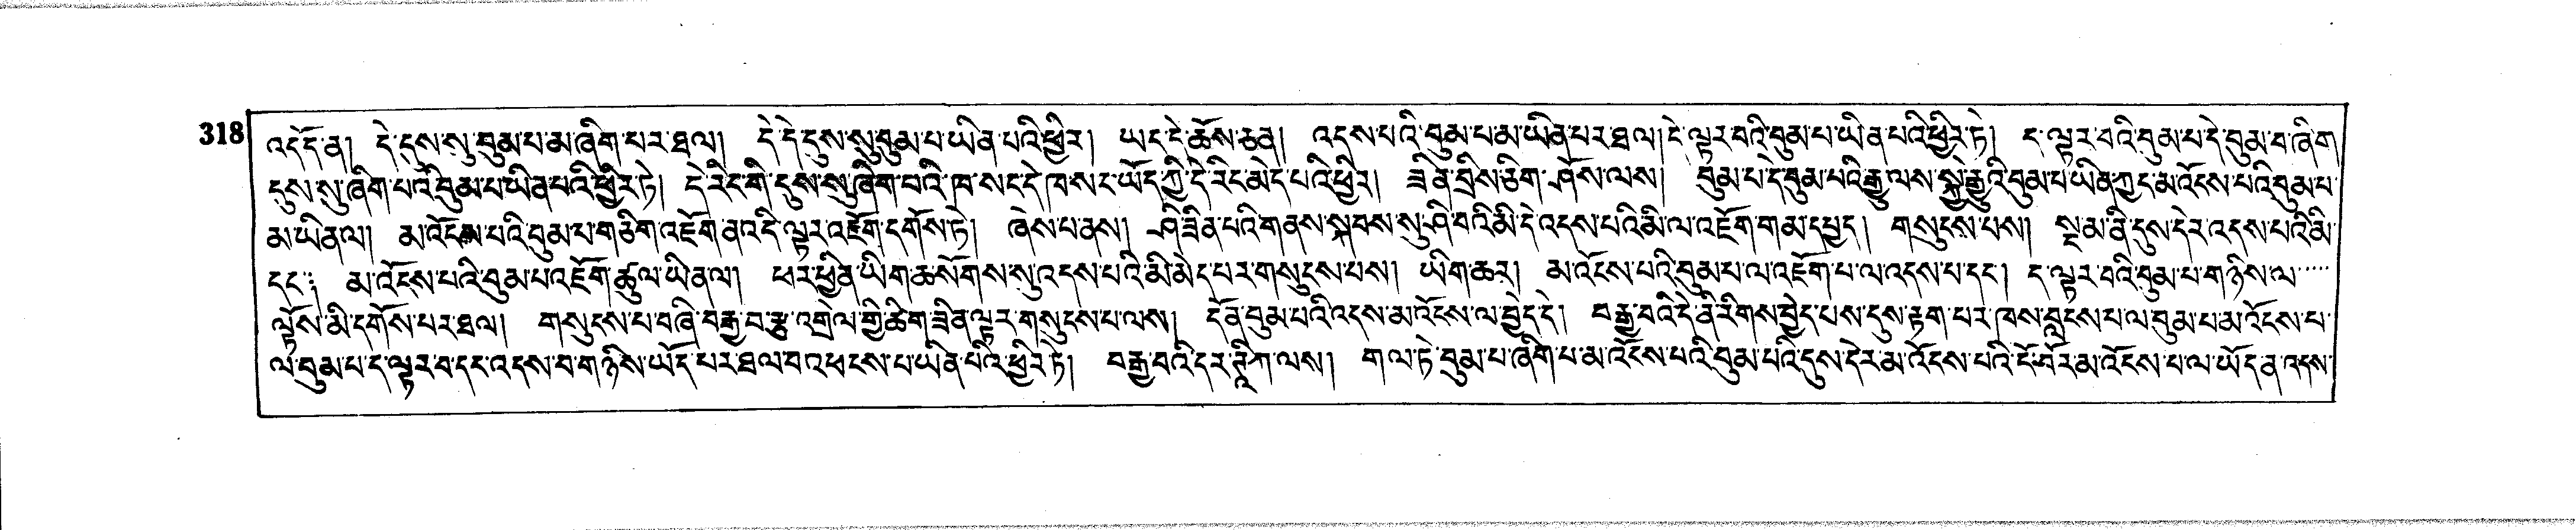འདོད་ན། དེ་དུས་སུ་བུམ་པ་མ་ཞིག་པར་ཐལ། དེ་དེ་དུས་སུ་བུམ་པ་ཡིན་པའི་ཕྱིར། ཡང་དེ་ཆོས་ཅན། འདས་པའི་བུམ་པ་མ་ཡིན་པར་ཐལ། དེ་ལྟར་བའི་བུམ་པ་ཡིན་པའི་ཕྱིར་ཏེ། ད་ལྟར་བའི་བུམ་པ་དེ་བུམ་བ་ཞིག་
དུས་སུ་ཞིག་པའི་བུམ་པ་ཡིན་པའི་ཕྱིར་ཏེ། དེ་རིང་གི་དུས་སུ་ཞིག་པའི་ཁ་སང་དེ་ཁ་སང་ཡོད་ཀྱི་དེ་རིང་མེད་པའི་ཕྱིར། ཟིན་བྲིས་ཅིག་ཤོས་ལས། བུམ་པ་དེ་བུམ་པའི་རྒྱུ་ལས་སྐྱེ་རྒྱུའི་བུམ་པ་ཡིན་ཀྱང་མ་འོངས་པའི་བུམ་པ་
མ་ཡིན་ལ། མ་འོངས་པའི་བུམ་པ་གཅིག་འཇོག་ན་འདི་ལྟར་འཇོག་དགོས་ཏེ། ཞེས་པ་ནས། ཤི་ཟིན་པའི་གནས་སྐབས་སུ་ཤི་བའི་མི་དེ་འདས་པའི་མི་ལ་འཇོག་གམ་དཔྱད། གསུངས་པས། སྔ་མ་ནི་དུས་དེར་འདས་པའི་མི་
དང༑ མ་འོངས་པའི་བུམ་པ་འཇོག་ཚུལ་ཡིན་ལ། ཕར་ཕྱིན་ཡིག་ཆ་སོགས་སུ་འདས་པའི་མི་མེད་པར་གསུངས་པས། ཡིག་ཆར། མ་འོངས་པའི་བུམ་པ་ལ་འཇོག་པ་ལ་འདས་པ་དང་། ད་ལྟར་བའི་བུམ་པ་གཉིས་ལ་
ལྟོས་མི་དགོས་པར་ཐལ། གསུངས་པ་བཞི་བརྒྱ་བ་རྩ་འགྲེལ་གྱི་ཚིག་ཟིན་ལྟར་གསུངས་པ་ལས། དོན་བུམ་པའི་འདས་མ་འོངས་ལ་བྱེད་དེ། བརྒྱ་བའི་དེ་ནི་རིགས་བྱེད་པས་དུས་རྟག་པར་ཁས་བླངས་པ་ལ་བུམ་པ་མ་འོངས་པ་
ལ་བུམ་པ་ད་ལྟར་བ་དང་འདས་པ་གཉིས་ཡོད་པར་ཐལ་བ་འཕངས་པ་ཡིན་པའི་ཕྱིར་ཏེ། བརྒྱ་བའི་དར་ཊཱིཀ་ལས། གལ་ཏེ་བུམ་པ་ཞིག་པ་མ་འོངས་པའི་བུམ་པའི་དུས་དེར་མ་འོངས་པའི་ངོ་བོར་མ་འོངས་པ་ལ་ཡོད་ན་འདས་